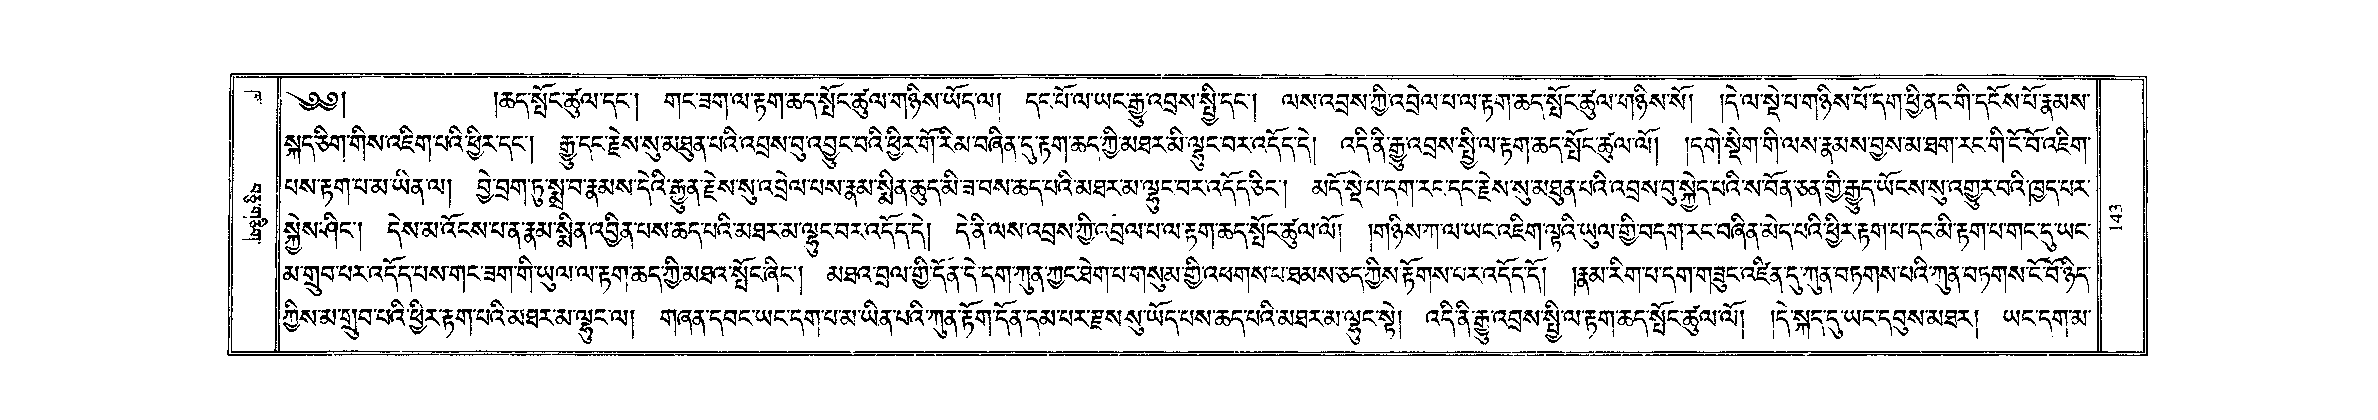༄༅། །ཆད་སྤོང་ཚུལ་དང་། གང་ཟག་ལ་རྟག་ཆད་སྤོང་ཚུལ་གཉིས་ཡོད་ལ། དང་པོ་ལ་ཡང་རྒྱུ་འབྲས་སྤྱི་དང་། ལས་འབྲས་ཀྱི་འབྲེལ་པ་ལ་རྟག་ཆད་སྤོང་ཚུལ་གཉིས་སོ། །དེ་ལ་སྡེ་པ་གཉིས་པོ་དག་ཕྱི་ནང་གི་དངོས་པོ་རྣམས་
སྐད་ཅིག་གིས་འཇིག་པའི་ཕྱིར་དང་། རྒྱུ་དང་རྗེས་སུ་མཐུན་པའི་འབྲས་བུ་འབྱུང་བའི་ཕྱིར་གོ་རིམ་བཞིན་དུ་རྟག་ཆད་ཀྱི་མཐར་མི་ལྷུང་བར་འདོད་དེ། འདི་ནི་རྒྱུ་འབྲས་སྤྱི་ལ་རྟག་ཆད་སྤོང་ཚུལ་ལོ། །དགེ་སྡིག་གི་ལས་རྣམས་བྱས་མ་ཐག་རང་གི་ངོ་བོ་འཇིག་
པས་རྟག་པ་མ་ཡིན་ལ། བྱེ་བྲག་ཏུ་སྨྲ་བ་རྣམས་དེའི་རྒྱུན་རྗེས་སུ་འབྲེལ་པས་རྣམ་སྨིན་ཆུད་མི་ཟ་བས་ཆད་པའི་མཐར་མ་ལྷུང་བར་འདོད་ཅིང་། མདོ་སྡེ་པ་དག་རང་དང་རྗེས་སུ་མཐུན་པའི་འབྲས་བུ་སྐྱེད་པའི་ས་བོན་ཅན་གྱི་རྒྱུད་ཡོངས་སུ་འགྱུར་བའི་ཁྱད་པར་
སྐྱེས་ཤིང་། དེས་མ་འོངས་པ་ན་རྣམ་སྨིན་འབྱིན་པས་ཆད་པའི་མཐར་མ་ལྷུང་བར་འདོད་དེ། དེ་ནི་ལས་འབྲས་ཀྱི་འབྲལ་པ་ལ་རྟག་ཆད་སྤོང་ཚུལ་ལོ། །གཉིས་ཀ་ལ་ཡང་འཇིག་ལྟའི་ཡུལ་གྱི་བདག་རང་བཞིན་མེད་པའི་ཕྱིར་རྟག་པ་དང་མི་རྟག་པ་གང་དུ་ཡང་
མ་གྲུབ་པར་འདོད་པས་གང་ཟག་གི་ཡུལ་ལ་རྟག་ཆད་ཀྱི་མཐའ་སྤོང་ཞིང་། མཐའ་བྲལ་གྱི་དོན་དེ་དག་ཀུན་ཀྱང་ཐེག་པ་གསུམ་གྱི་འཕགས་པ་ཐམས་ཅད་ཀྱིས་རྟོགས་པར་འདོད་དོ། །རྣམ་རིག་པ་དག་གཟུང་འཛིན་དུ་ཀུན་བཏགས་པའི་ཀུན་བཏགས་ངོ་བོ་ཉིད་
ཀྱིས་མ་གྲུབ་པའི་ཕྱིར་རྟག་པའི་མཐར་མ་ལྷུང་ལ། གཞན་དབང་ཡང་དག་པ་མ་ཡིན་པའི་ཀུན་རྟོག་དོན་དམ་པར་རྫས་སུ་ཡོད་པས་ཆད་པའི་མཐར་མ་ལྷུང་སྟེ། འདི་ནི་རྒྱུ་འབྲས་སྤྱི་ལ་རྟག་ཆད་སྤོང་ཚུལ་ལོ། །དེ་སྐད་དུ་ཡང་དབུས་མཐར། ཡང་དག་མ་